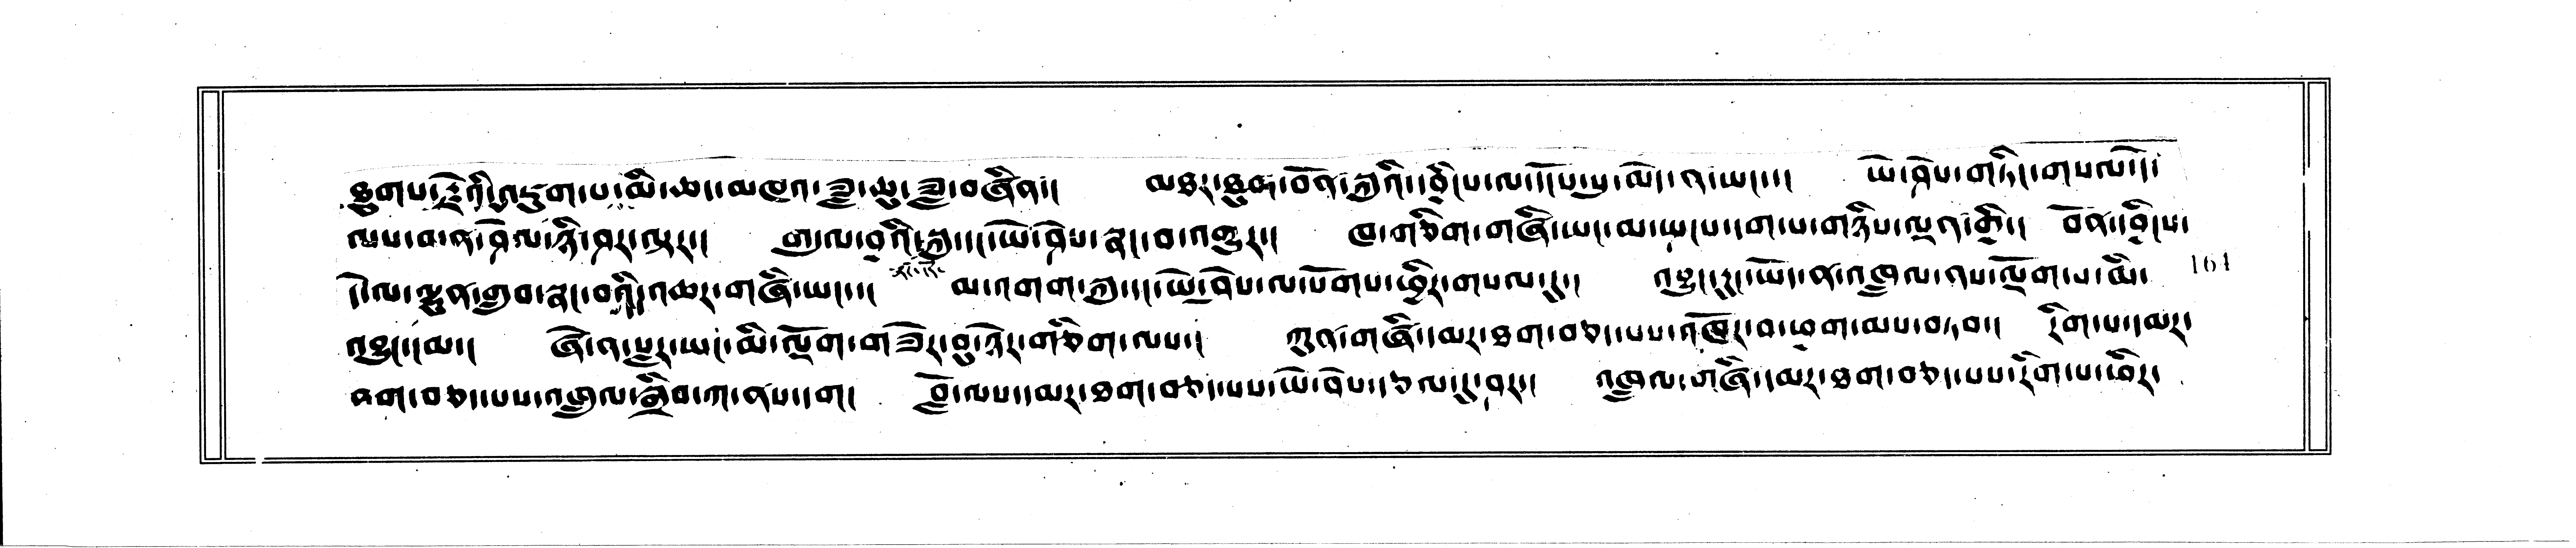ཐུགས་རྗེའི་འཇུག་པ་མི་འཆད་མཁའ་ཟླ་ཆུ་ཟླ་བཞིན། །མཐར་ཐུག་བོན་སྐུའི་དབྱིངས་ལ་དངོས་སུ་མེད་ན་ཡང་། །ཡེ་ཤེས་གཏིང་གསལ་དེ་
ལས་མན་ཤེལ་ཉི་ཤར་ལྟར། །གདུལ་བྱའི་སྣང་ངོར་སྐུ་དང་ཡེ་ཤེས་སྣང་བར་འགྱུར། །ཁ་ཅིག་གཞི་ཡང་མ་སྤང་དག་པ་གཉིས་ལྡན་གྱི། །བོན་དབྱིངས་
དེ་ལ་ལྷུན་གྲུབ་སྣང་བའི་འཆར་གཞི་ཡང་། །མ་འགག་སྐུ་དང་ཡེ་ཤེས་ལ་སོགས་ཕྱིར་གསལ་དུ། །འབྱུང་རུང་ཡོད་ན་འཁྲུལ་ནས་ལྡོག་པ་མི་
འབྱུང་ངམ། །ཞེ་ན་སླར་ཡང་མི་ལྡོག་གཟེར་བུ་ཉེར་གཅིག་ལས། །ཀུན་གཞི་དམར་ཐག་བཅད་པས་འཁོར་བ་ཕྱག་མས་བཏབ། །རིག་པ་དམར་
ཐག་བཅད་པས་འཁྲུལ་སྒྲིབ་ཀ་ནས་དག །བློ་ལས་དམར་ཐག་བཅད་པས་ཡེ་ཤེས་རྩལ་དུ་ཤར། །འཁྲུལ་གཞི་དམར་ཐག་བཅད་པས་རིག་པ་ཕྱིར་